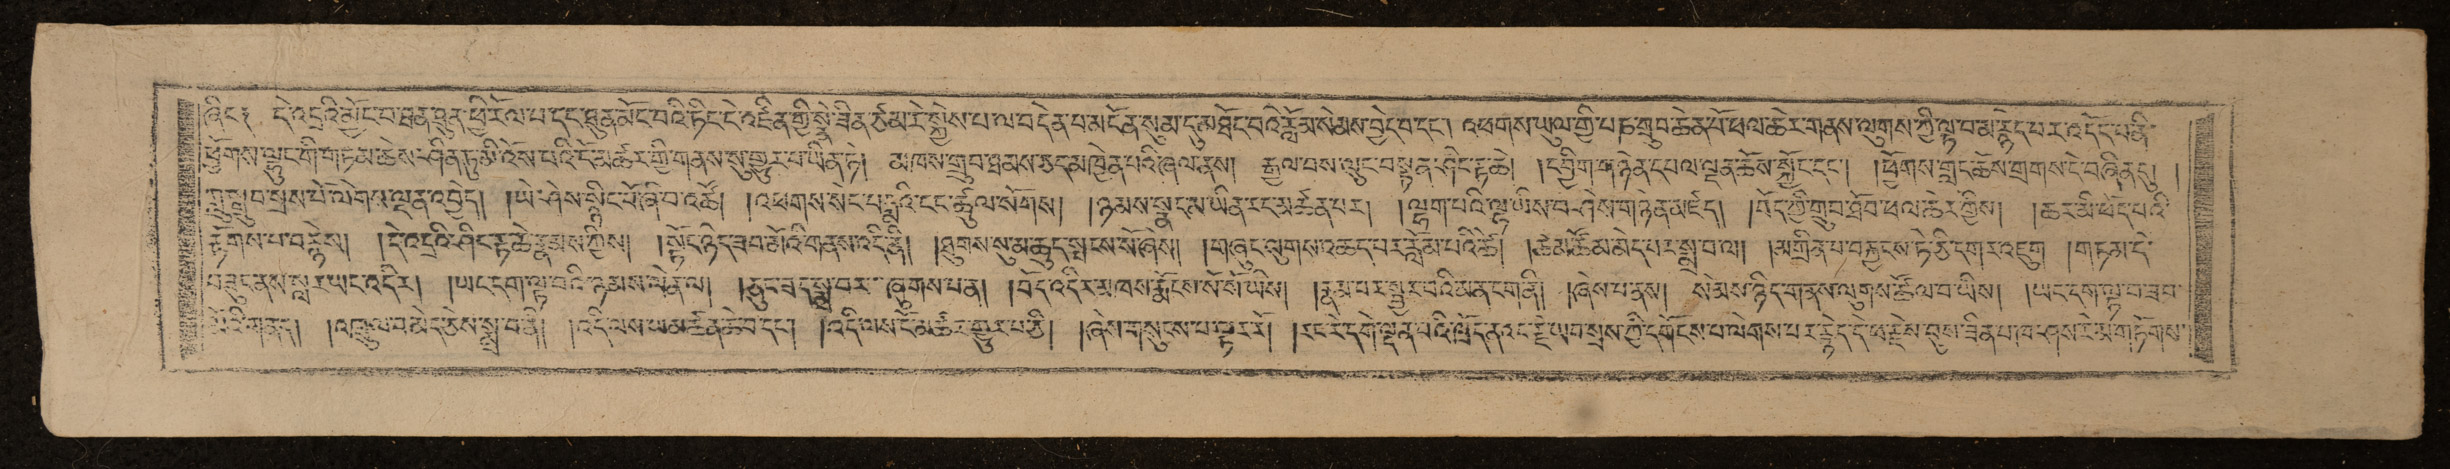ཞིང༑ དེ་འདྲའི་མྱོང་བ་ཐན་ཐུན་ཕྱི་རོལ་པ་དང་ཐུན་མོང་བའི་ཏིང་ངེ་འཛིན་གྱི་སྣེ་ཟིན་ཙམ་རེ་སྐྱེས་པ་ལ་བདེན་བ་མངོན་སུམ་དུ་མཐོང་བའི་རློམ་སེམས་བྱེད་པ་དང་། འཕགས་ཡུལ་གྱི་བཎ་གྲུབ་ཆེན་པོ་ཕལ་ཆེར་གནས་ལུགས་ཀྱི་ལྟ་བ་མྲྙེད་བར་འདོད་པ་ནི་
ཕྱོགས་ལྷུང་གི་གཏམ་ཆེས་ཤིན་ཏུ་མིའོས་པའི་ངོ་མཚར་གྱི་གནས་སུ་གྱུར་བ་ཡིན་ཏེ། མཁས་གྲུབ་ཐམས་ཅད་མཁྱེན་པའི་ཞལ་ནས། རྒྱལ་བས་ལུང་བསྟན་ཤིང་རྟ་ཆེ། །དབྱིག་གཉེན་དཔལ་ལྡན་ཆོས་སྐྱོང་དང་། །ཕྱོགས་གླང་ཆོས་གྲགས་དེ་བཞིན་དུ། །
ཀླུ་སྒྲུབ་སྲས་པོ་ལེགས་ལྡན་འབྱེད། །ཡེ་ཤེས་སྙིང་པོ་ཞི་བ་འཚོ། །འཕགས་སེང་པདམའི་ངང་ཚུལ་སོགས། །ཉམས་སྣང་མ་ཡིན་རང་མཚན་པར། །ལྷག་པའི་ལྷ་ཡིས་བཤེས་གཉེན་མཛད། །བོད་ཀྱི་གྲུབ་ཐོབ་ཕལ་ཆེར་གྱིས། །ཆར་མི་ཕོད་པའི་
རྟོགས་པ་བརྙེས། །དེ་འདྲའི་ཤིང་རྟ་ཆེ་རྣམས་ཀྱིས། །སྟོང་ཉིད་ཟབ་མོའི་གནས་འདི་ནི། །ཐུགས་སུམ་ཆུད་སྤངས་སོ་ཞེས། །གཞུང་ལུགས་འཆད་པར་རློམ་པའི་ཚེ། །ཚམ་ཚོམ་མེད་པར་སྨྲ་བ་གླ། །མགྲིན་པ་བརྐྱངས་ཏེ་ཅིང་གར་འཇུག །གཏམ་དེ་
བཟུང་ནས་སླར་ཡང་འདིར། །ཡང་དག་ལྟ་བའི་ཉམས་ལེན་ལ། །ཅུང་ཟད་སྨྲ་བར་ཞུགས་བ་ན། །བོད་འདིར་མཁས་རྨོངས་སོ་སོ་ཡིས། །རྣམ་བར་སྦྱར་པའི་མན་ངག་ནི། ཞེས་པ་ནས། སེམས་ཉིད་གནས་ལུགས་ཚོལ་བ་ཡིས། །ཡང་དག་ལྟ་བ་ཟབ་
མོའི་གནད། །འཁྲུལ་པ་མེད་ཅེས་སྨྲ་བ་ནི། །འདི་ལས་ཡ་མཚན་ཆེ་བ་དང་། །འདི་ལས་ངོ་མཚར་གྱུར་བ་ཅི། །ཞེས་གསུངས་བ་ལྟར་རོ། །རང་རེ་དགེ་ལྡན་བའི་ཁྲོད་ནའང་རྗེ་ཡབ་སྲས་ཀྱི་དགོངས་པ་ལེགས་པར་རྙེད་དེ་ཕ་རྗེས་བུས་ཟིན་?་ཤས་རེམ་གཏོག་